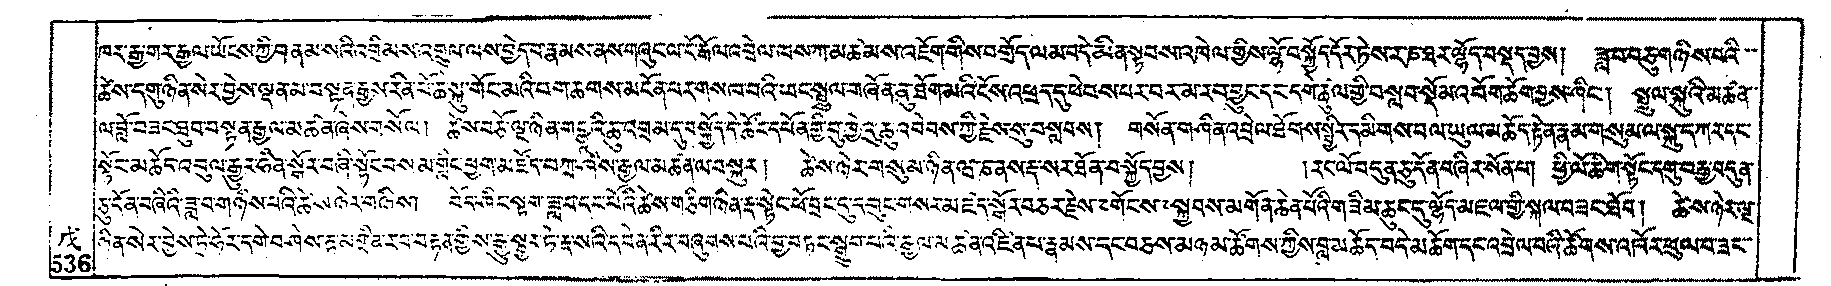ཁར་རྒྱ་གར་རྒྱལ་ཡོངས་ཀྱི་གནམ་སའི་འགྲིམས་འགྲུལ་ལས་བྱེད་པ་རྣམས་ནས་གཞུང་ལ་ངོ་རྒོལ་འབྲེལ་ལས་ཀ་མཚམས་འཇོག་གིས་བགྲོད་ལམ་བདེ་མིན་སྟབས་འཁེལ་གྱིས་ལྷོ་བསྐྱོད་དོར་ཏེ་ས་ར་ཎ་ཐར་ལྷོད་བསྡད་བྱས། ཟླ་བ་བཅུ་གཉིས་པའི་
ཚེས་དགུ་ཉིན་སེར་བྱེས་ལྡན་མ་བསྟན་རྒྱས་རིན་པོ་ཆེ་སྐུ་གོང་མའི་བག་ཆགས་མངོན་པར་གསལ་བའི་ཡང་སྤྲུལ་གཞོན་ནུ་ཐོག་མའི་ངོས་འཕྲད་དུ་ཕེབས་པར་བར་མ་རབ་བྱུང་དང་དགེ་ཚུལ་གྱི་བསླབ་སྡོམ་འབོག་ཆོག་བྱས་ཤིང་། སྤྲུལ་སྐུའི་མཚན་
ལ་བློ་བཟང་ཐུབ་བསྟན་རྒྱལ་མཚན་ཞེས་གསོལ། ཚེས་བཅོ་ལྔ་ཉིན་གངྒཱའི་ཆུ་འགྲམ་དུ་བསྐྱོད་དེ་ཚོང་དཔོན་གྱི་བུ་ཁྱེའུ་ཆུ་འབེབས་ཀྱི་རྗེས་སུ་བསླབས། གསོན་གཤིན་འབྲེལ་ཐོགས་སྤྱིར་དམིགས་བལ་ཡུལ་མཆོད་རྟེན་རྣམ་གསུམ་ལ་སྐུ་དཀར་དང་
སྟོང་མཆོད་འབུལ་རྒྱུར་ཧིན་སྒོར་བཞི་སྟོང་བསམ་གླིང་ཕྱག་མཛོད་བཀྲ་ཤིས་རྒྱལ་མཚན་ལ་བསྐུར། ཚེས་ཉེར་གསུམ་ཉིན་ཝ་ཎ་ནས་རྡ་སར་ཐོན་བསྐྱོད་བྱས། །རང་ལོ་བདུན་ཅུ་དོན་བཞིར་སོན་པ། ཕྱི་ལོ་ཆིག་སྟོང་དགུ་བརྒྱ་བདུན་
ཅུ་དོན་བཞིའི་ཟླ་བ་གཉིས་པའི་ཚེས་ཉེར་གཉིས། བོད་ཤིང་སྟག་ཟླ་བ་དང་པོའི་ཚེས་གཅིག་ཉིན་རྡ་སྟེང་ཕོ་བྲང་དུ་དགུང་གསར་མཛད་སྒོར་བཅར་རྗེས་༧གོང་ས་༧སྐྱབས་མགོན་ཆེན་པོའི་གཟིམ་ཆུང་དུ་ལྷོད་མཇལ་གྱི་སྐལ་བཟང་ཐོབ། ཚེས་ཉེར་ལྔ་
ཉིན་སེར་བྱེས་ཏྲེ་ཧོར་དགེ་བཤེས་རྟ་མགྲིན་རབ་བརྟན་གྱིས་རྒྱུ་སྦྱར་ཏེ་རྡ་སའི་དབེན་རིར་བཞུགས་པའི་བྱ་བཏང་སྒྲུབ་པའི་རྒྱལ་མཚན་འཛིན་པ་རྣམས་དང་བཅས་མཉམ་ཚོགས་ཀྱིས་བླ་མཆོད་བདེ་མཆོག་དང་འབྲེལ་བའི་ཚོགས་འཁོར་ཕུལ་བ་ཟང་